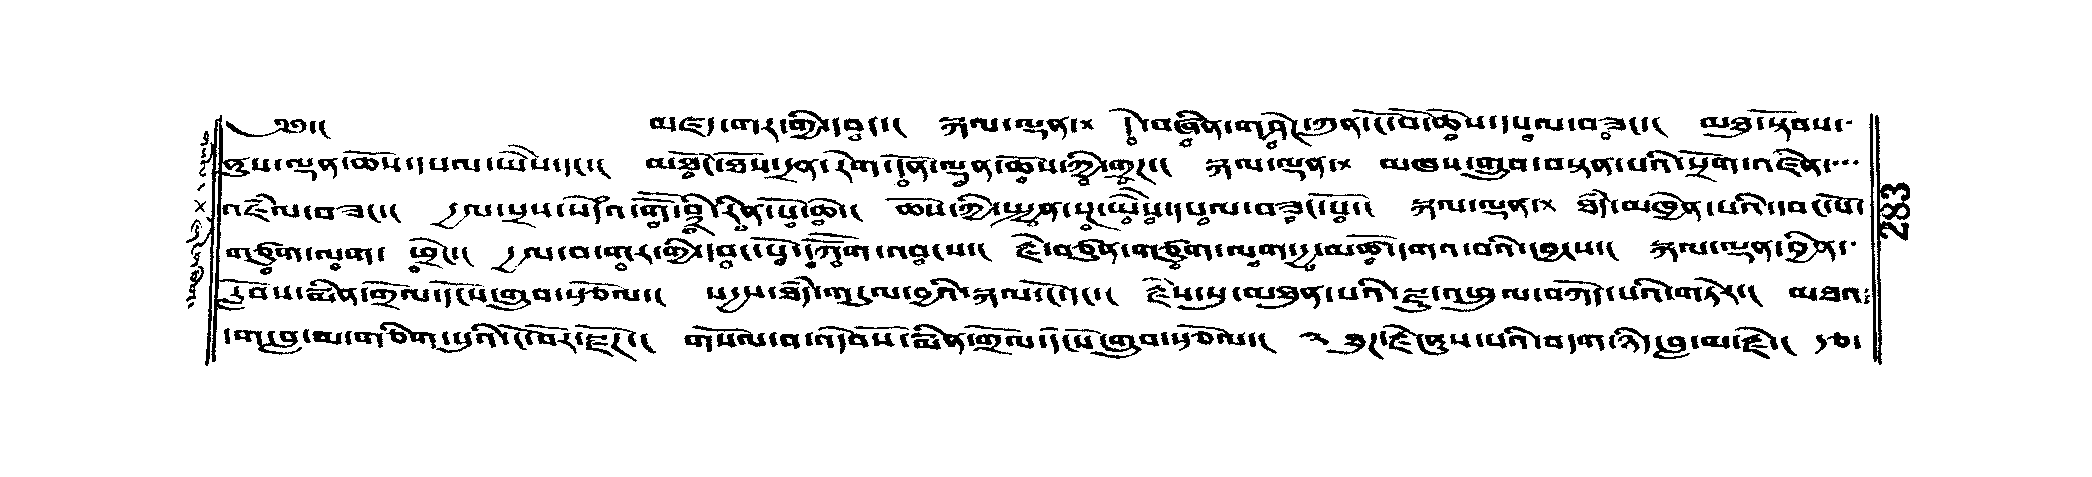མཛད་གར་གྱི་དབང་། །སྐལ་ལྡན༴ །དེ་བཞིན་གཤེགས་ཀུན་ངོ་བོ་ཆོས་དཔལ་བཟང་། །མཐུ་སྟོབས་
ནུས་ལྡན་ཆོས་དཔལ་ཡེ་ཤེས་དང་། །མཐོང་ཐོས་དྲན་རེག་དོན་ལྡན་ཆོས་ཀྱི་གྲགས། །སྐལ་ལྡན༴ །མཁས་གྲུབ་བསྟན་པའི་སྲོག་འཛིན་
འཇམ་དཔལ་བཟང་། །རྒྱལ་སྲས་སེམས་དཔའ་གོ་ཤྲཱི་རིན་པོ་ཆེ། །ཆོས་ཀྱི་སྤྱན་སྔ་ཡེ་ཤེས་དཔལ་བཟང་པོ། །སྐལ་ལྡན༴ །ཐམས་ཅད་མཁྱེན་པའི་དབང་པོ་
གཙུག་ལག་ཕྲེང་། །རྒྱལ་བ་གར་གྱི་དབང་པོ་དཀོན་མཆོག་འབངས། །རྗེ་བཙུན་གཙུག་ལག་རྒྱ་མཚོ་དགའ་བའི་དབྱངས། །སྐལ་ལྡན་བྱིན་
རློབས་སྨིན་གྲོལ་དངོས་གྲུབ་སྩོལ། །སངས་རྒྱས་ཐམས་ཅད་གདུལ་བྱའི་སྐལ་ངོ་དང་། །རྗེས་སུ་མཐུན་པའི་རྫུ་འཕྲུལ་བཀོད་པའི་གཏེར། །མཐའ་
དག་བླ་མ་གཅིག་པུའི་ངོ་བོར་རྫོགས། །གསོལ་བ་འདེབས་སོ་སྨིན་གྲོལ་དངོས་གྲུབ་སྩོལ། ༈ ཐུགས་རྗེ་ནུས་པའི་བདག་ཉིད་བླ་མ་རྗེ། །རྩ་